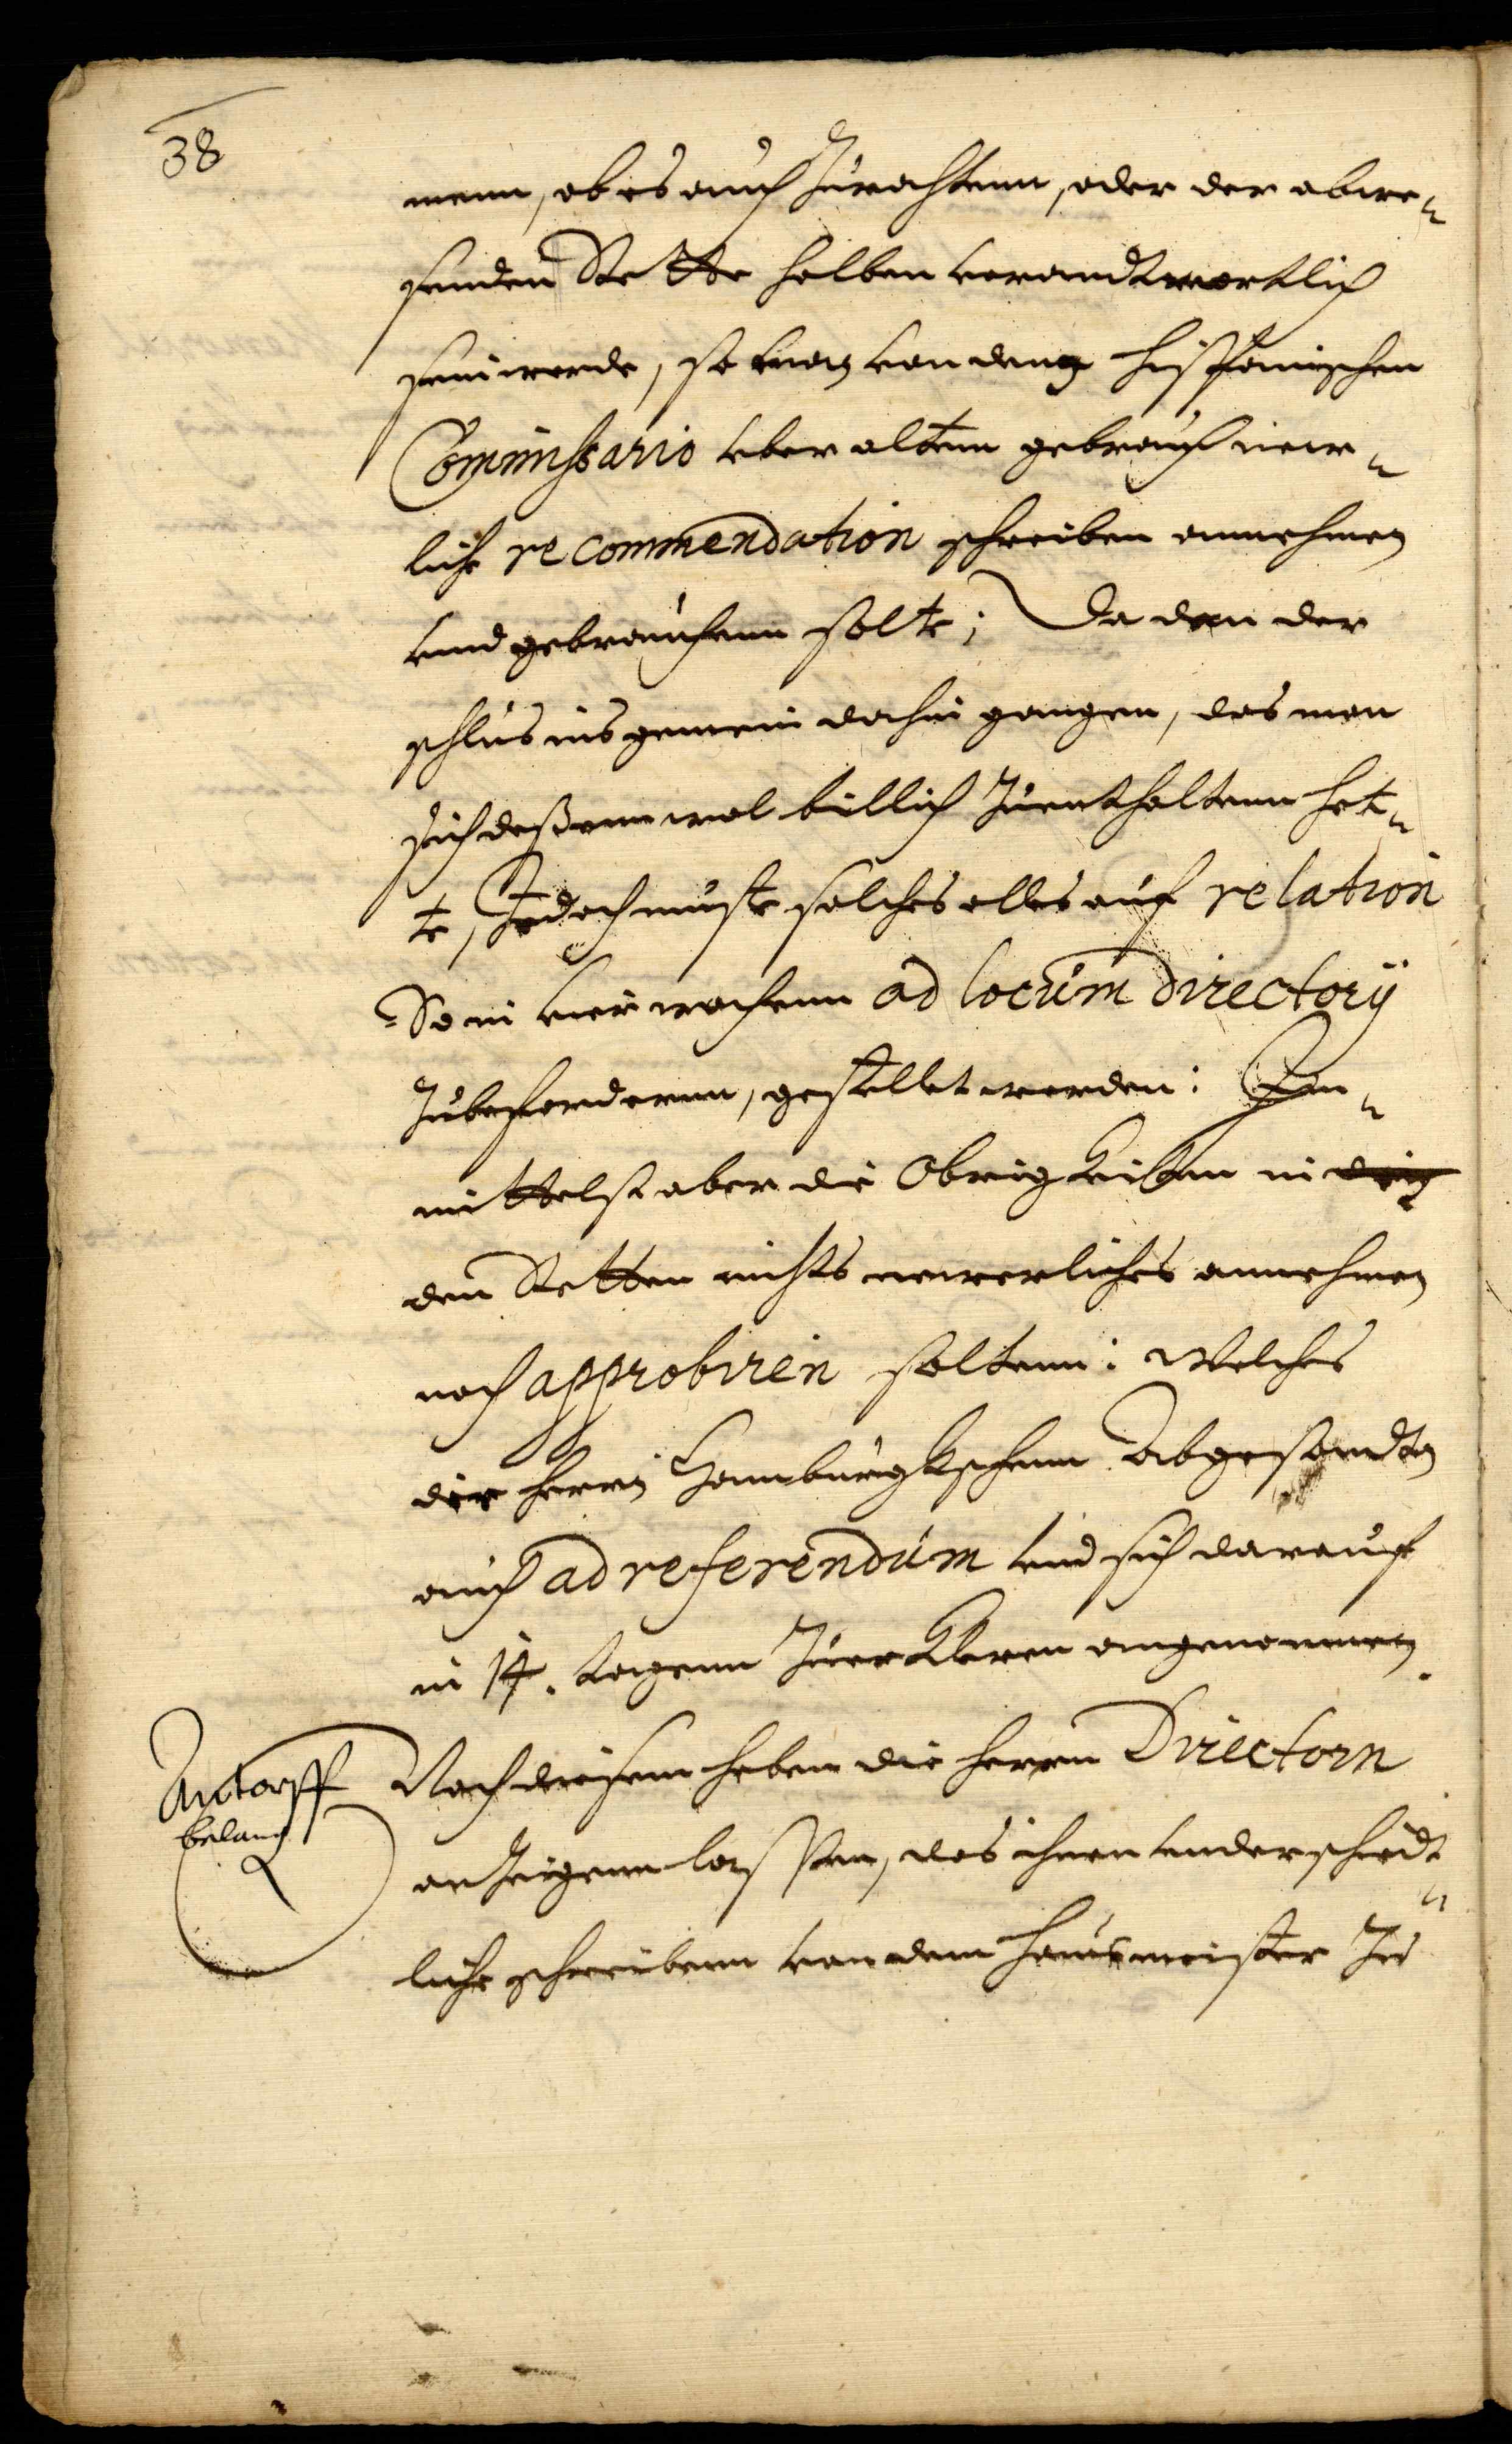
38
menn, ob es auch zurachtenn, oder der abwe¬
senden Stette helben verandtwortlich
sein werde, so man von denn hispanischen
Commissario vber altem gebrauch new¬
liche recommendation schreiben annehmen
vnnd gebrauchenn solte; Da dan der
schlus ins gemein dafur gangen, das man
sich deßenn wol billich zuenthaltenn het¬
te, Jedoch muste solches alles auf relation
So in verwachenn ad locum directorij
zubefordernn, gestellet werden: Jm¬
mittelst aber die Obrigkeiten in den
den Stetten nichts newerliches annehmen
noch approbiren soltenn: Welches
die herrn Hamburgkschenn Abgesandten
auch ad referendum vnd sich darauf
in 14. tagenn zuerkleren angenommen.
Nach diesem heben die herrn Directorn
anzeigenn lassen, das ihnen vnderschiedt¬
liche schreibenn von dem hausmeister zu
Antorff
belangen
